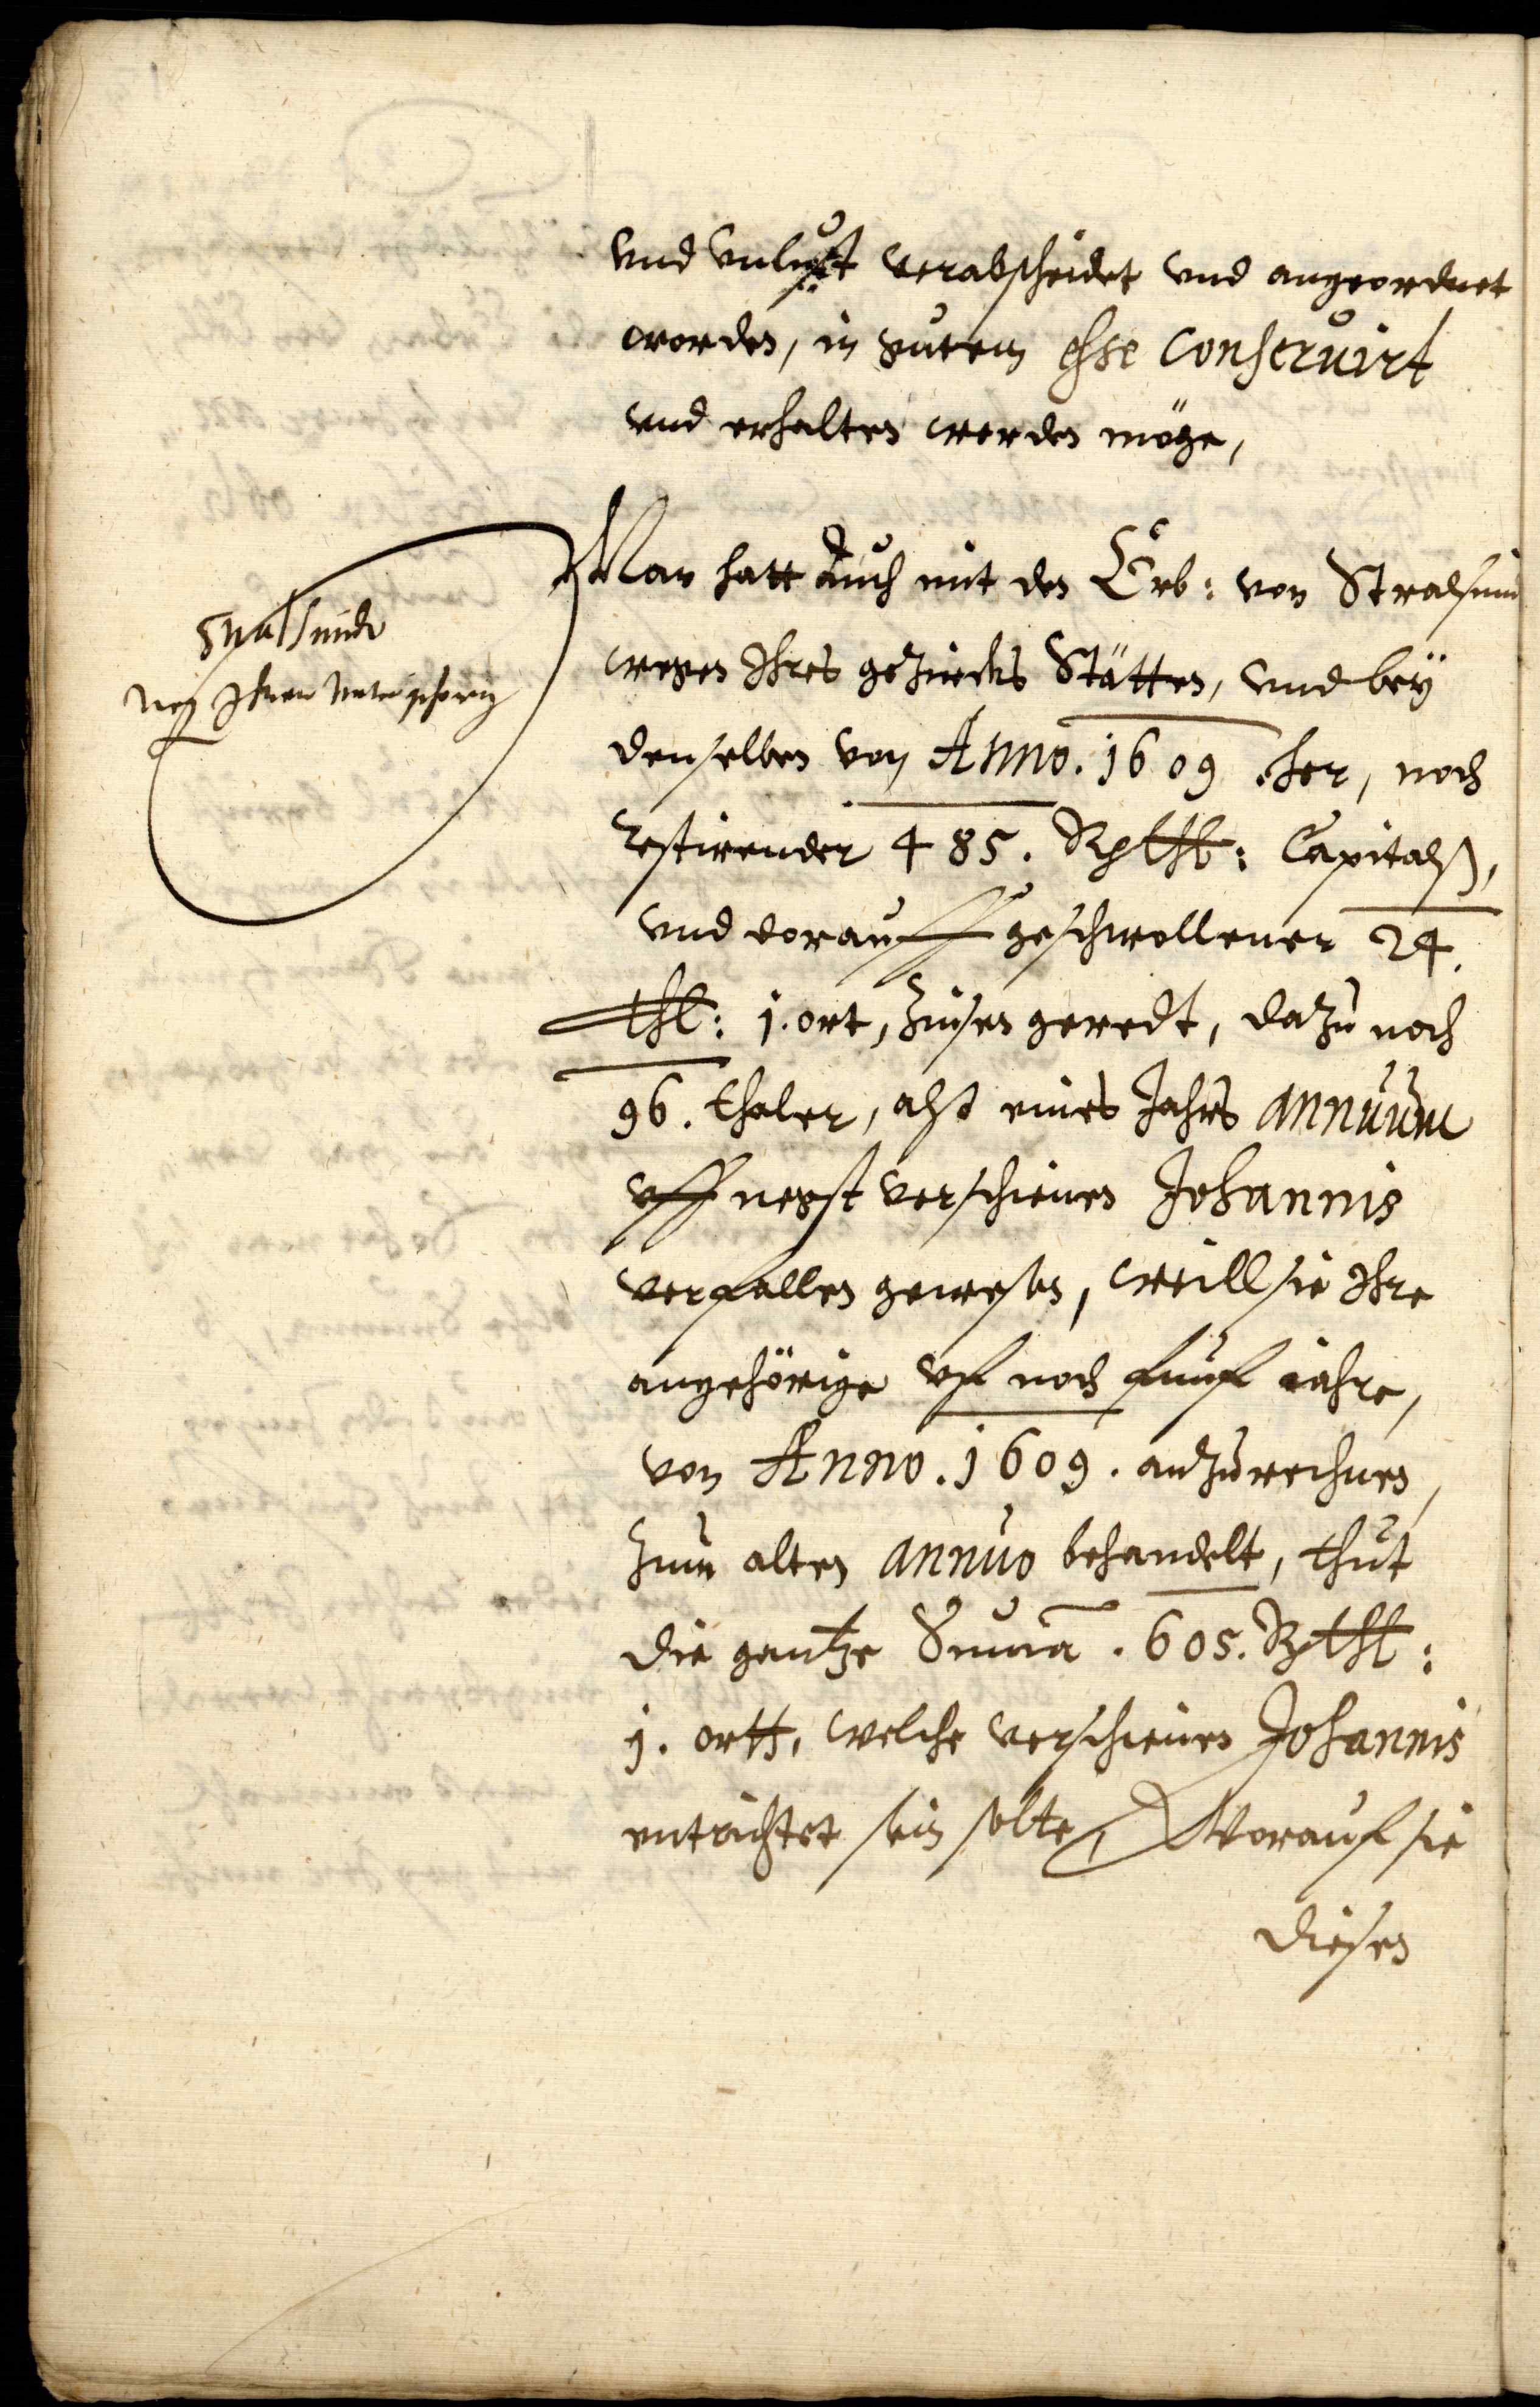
vnd vnlust verabscheidet vnd angeordnet
worden, in gutem esse conseruirt
vnd erhalten werden möge,
Stralsundt
wegen Ihren Vnterschorg
Man hatt Auch mit den Erb: von Stralsund
wegen Ihres gezircks Stätten, vnd beij
denselben von Anno. 1609 her, noch
restirender 485. Rhttl: Capitalß,
vnd dorauff geschwollener 24.
thl: 1. ort, Zinsen geredt, dazu noch
96. thaler, also eines Jahrs annuum
vff negst verschienen Johannis
verfallen gewesen, weill sie Ihre
angehörige vf noch funf iahre,
von Anno. 1609. anzurechnen,
zum alten annuo behandelt, thut
die gantze Suma. 605. Rhthl:
1. ortt, welche verschienen Johannis
entrichtet sein solte, Worauf sie
diesen
